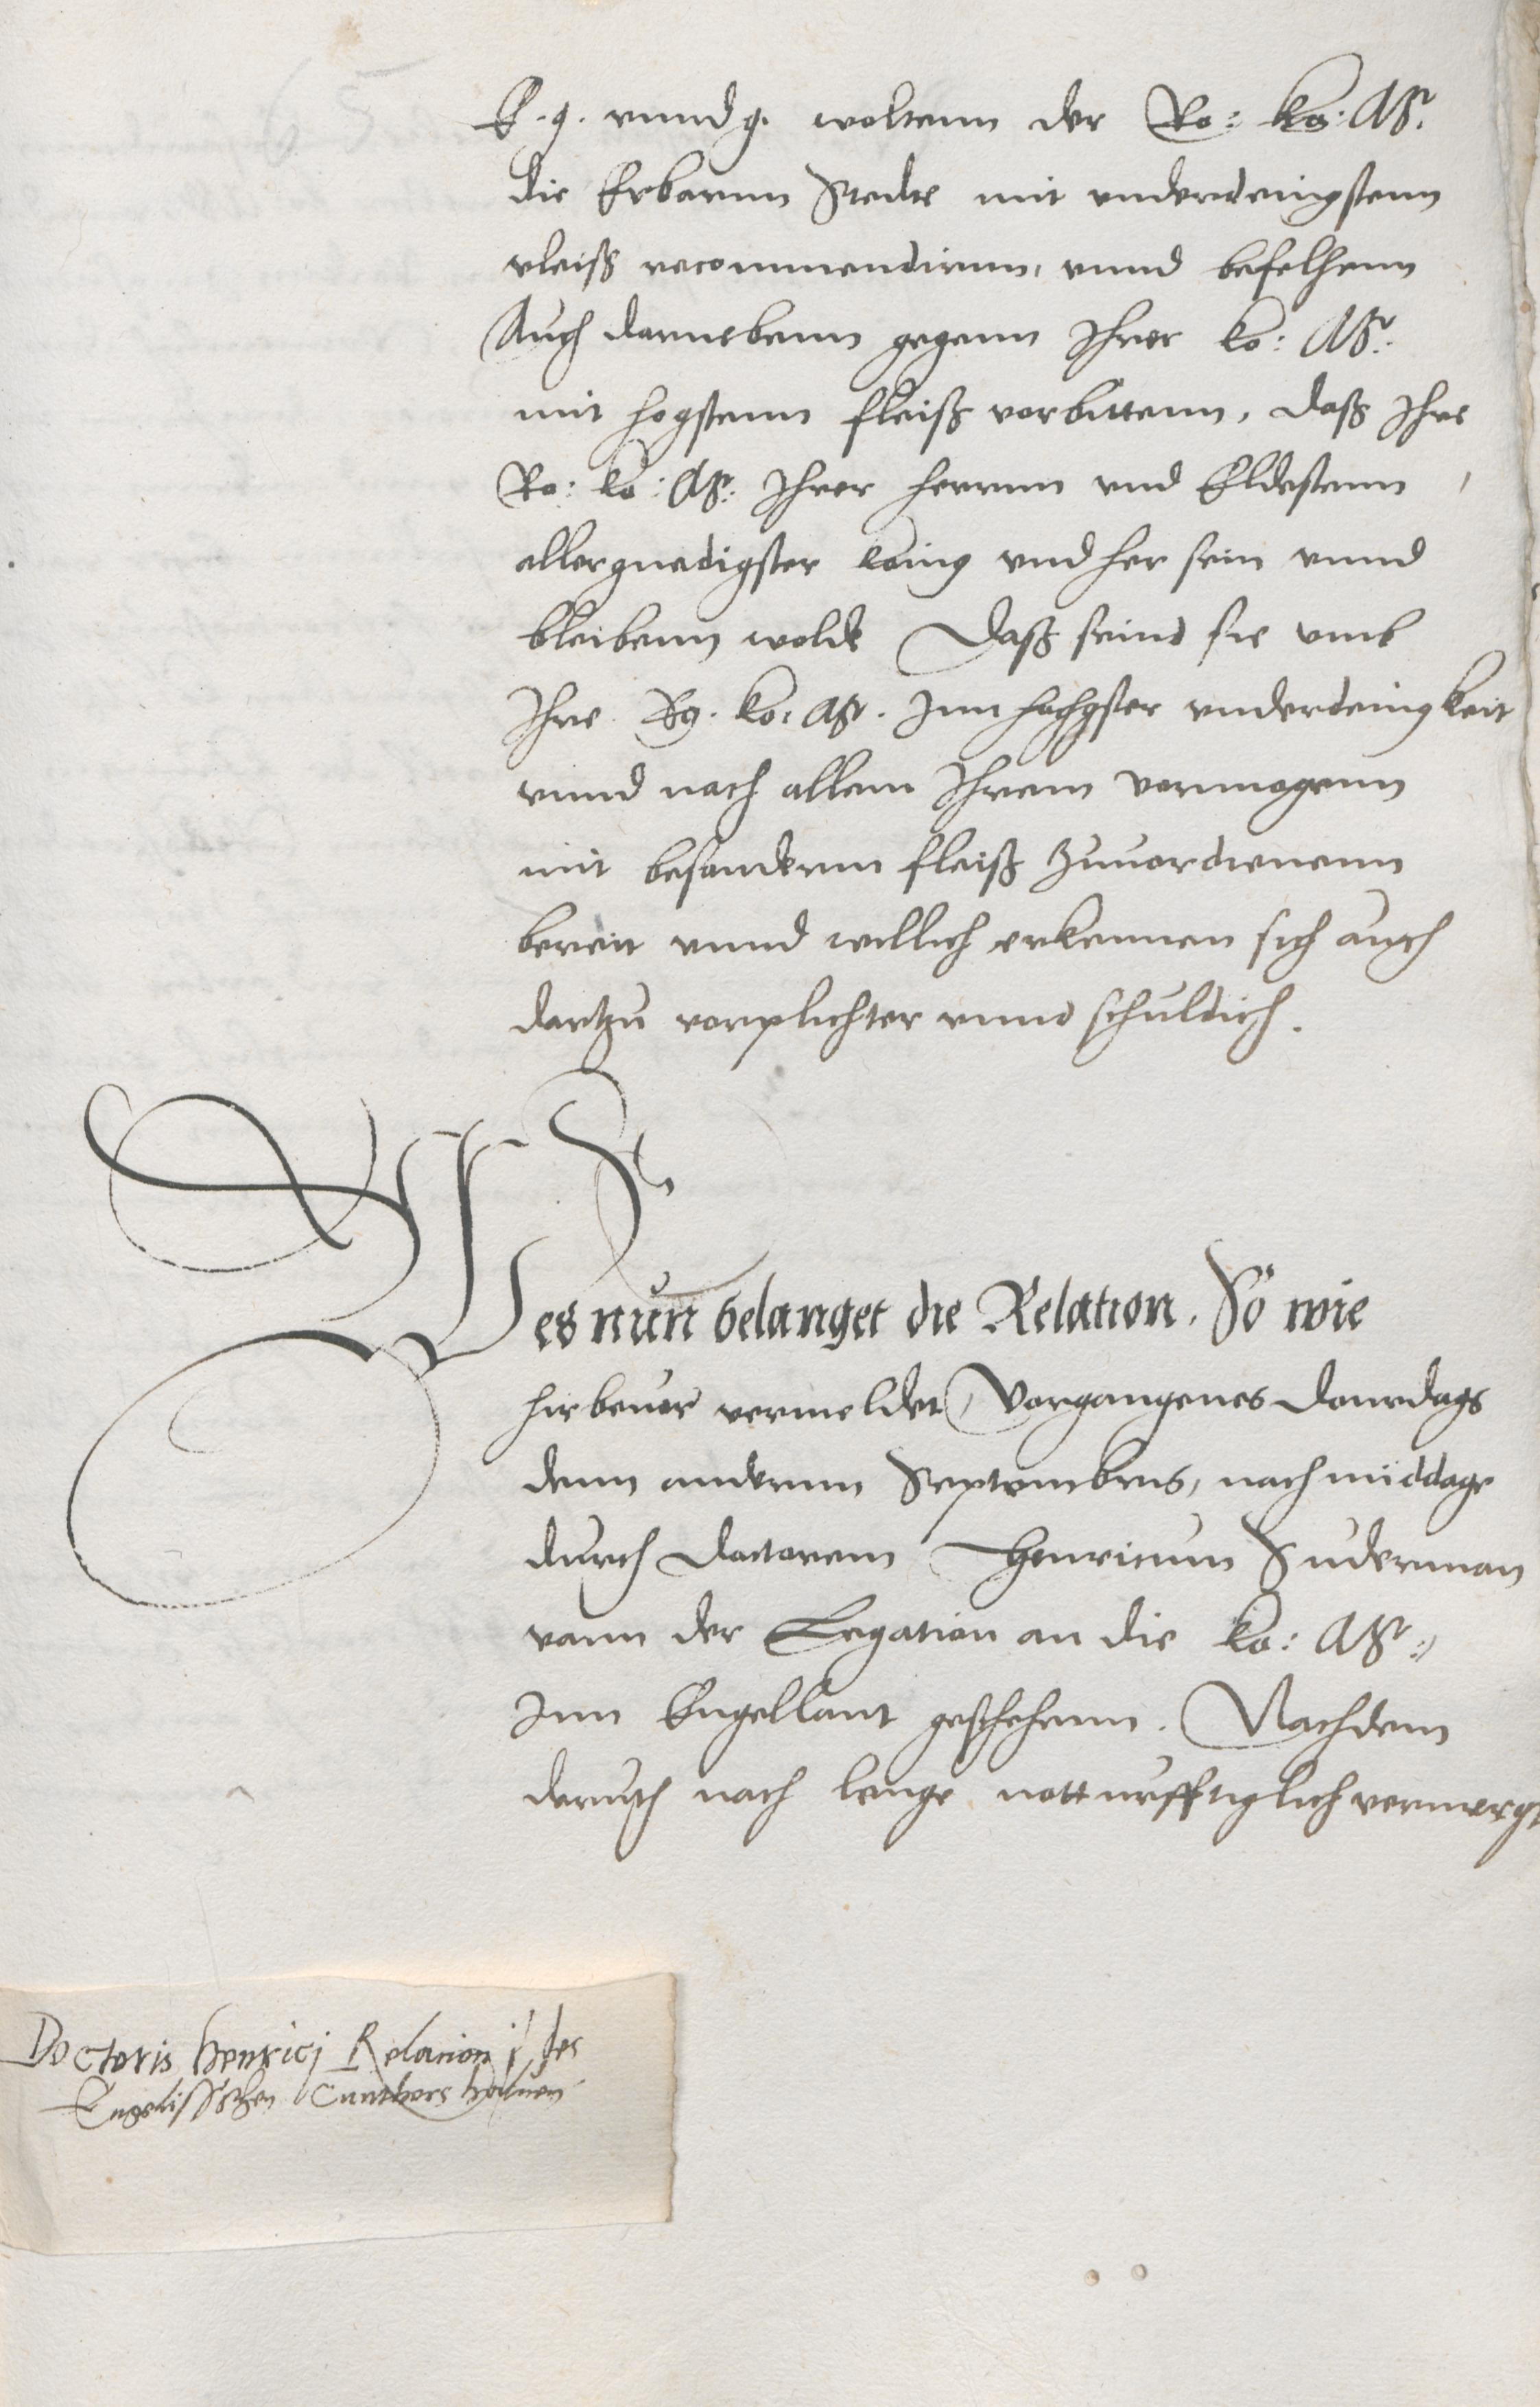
E. g. vnnd g. woltenn der Ro: Ko: Mt:
die Erbarnn Stedte mit vnderdenigstenn
vleiß recommendirnn, vnnd befelhenn
Auch darnebenn gegenn jhrer Ko: Mt:
mit hogstenn fleiß vorbittenn, daß jhre
Ro: Ko: Mt: jhrer herrnn vnd Eldestenn
allergnedigster Koing vnd her sein vnnd
bleibenn wolde Daß seind sie vmb
jhre Ro: Ko: Mt: jnn hochgster vnderdenigkeit
vnnd nach allem jhrem vormogenn
mit besonderm fleiß zuuordienenn
bereit vnnd willich erkennen sich auch
dartzu vorplichter vnnd schuldich.
Wes nun belanget die Relation, So wie
hirbeuor vormeldet, Vorgangenes donrdags
denn andernn Septembris, nachmiddage
durch Doctorem Henricum Suderman
vann der Legation an die Ko: Mt:
jnn Engellant geschehenn. Nachdem
daruth nach lenge notturfftiglich vermergt
Doctoris Henrici Relation i, des
Engelisschen Cunthors haluen
